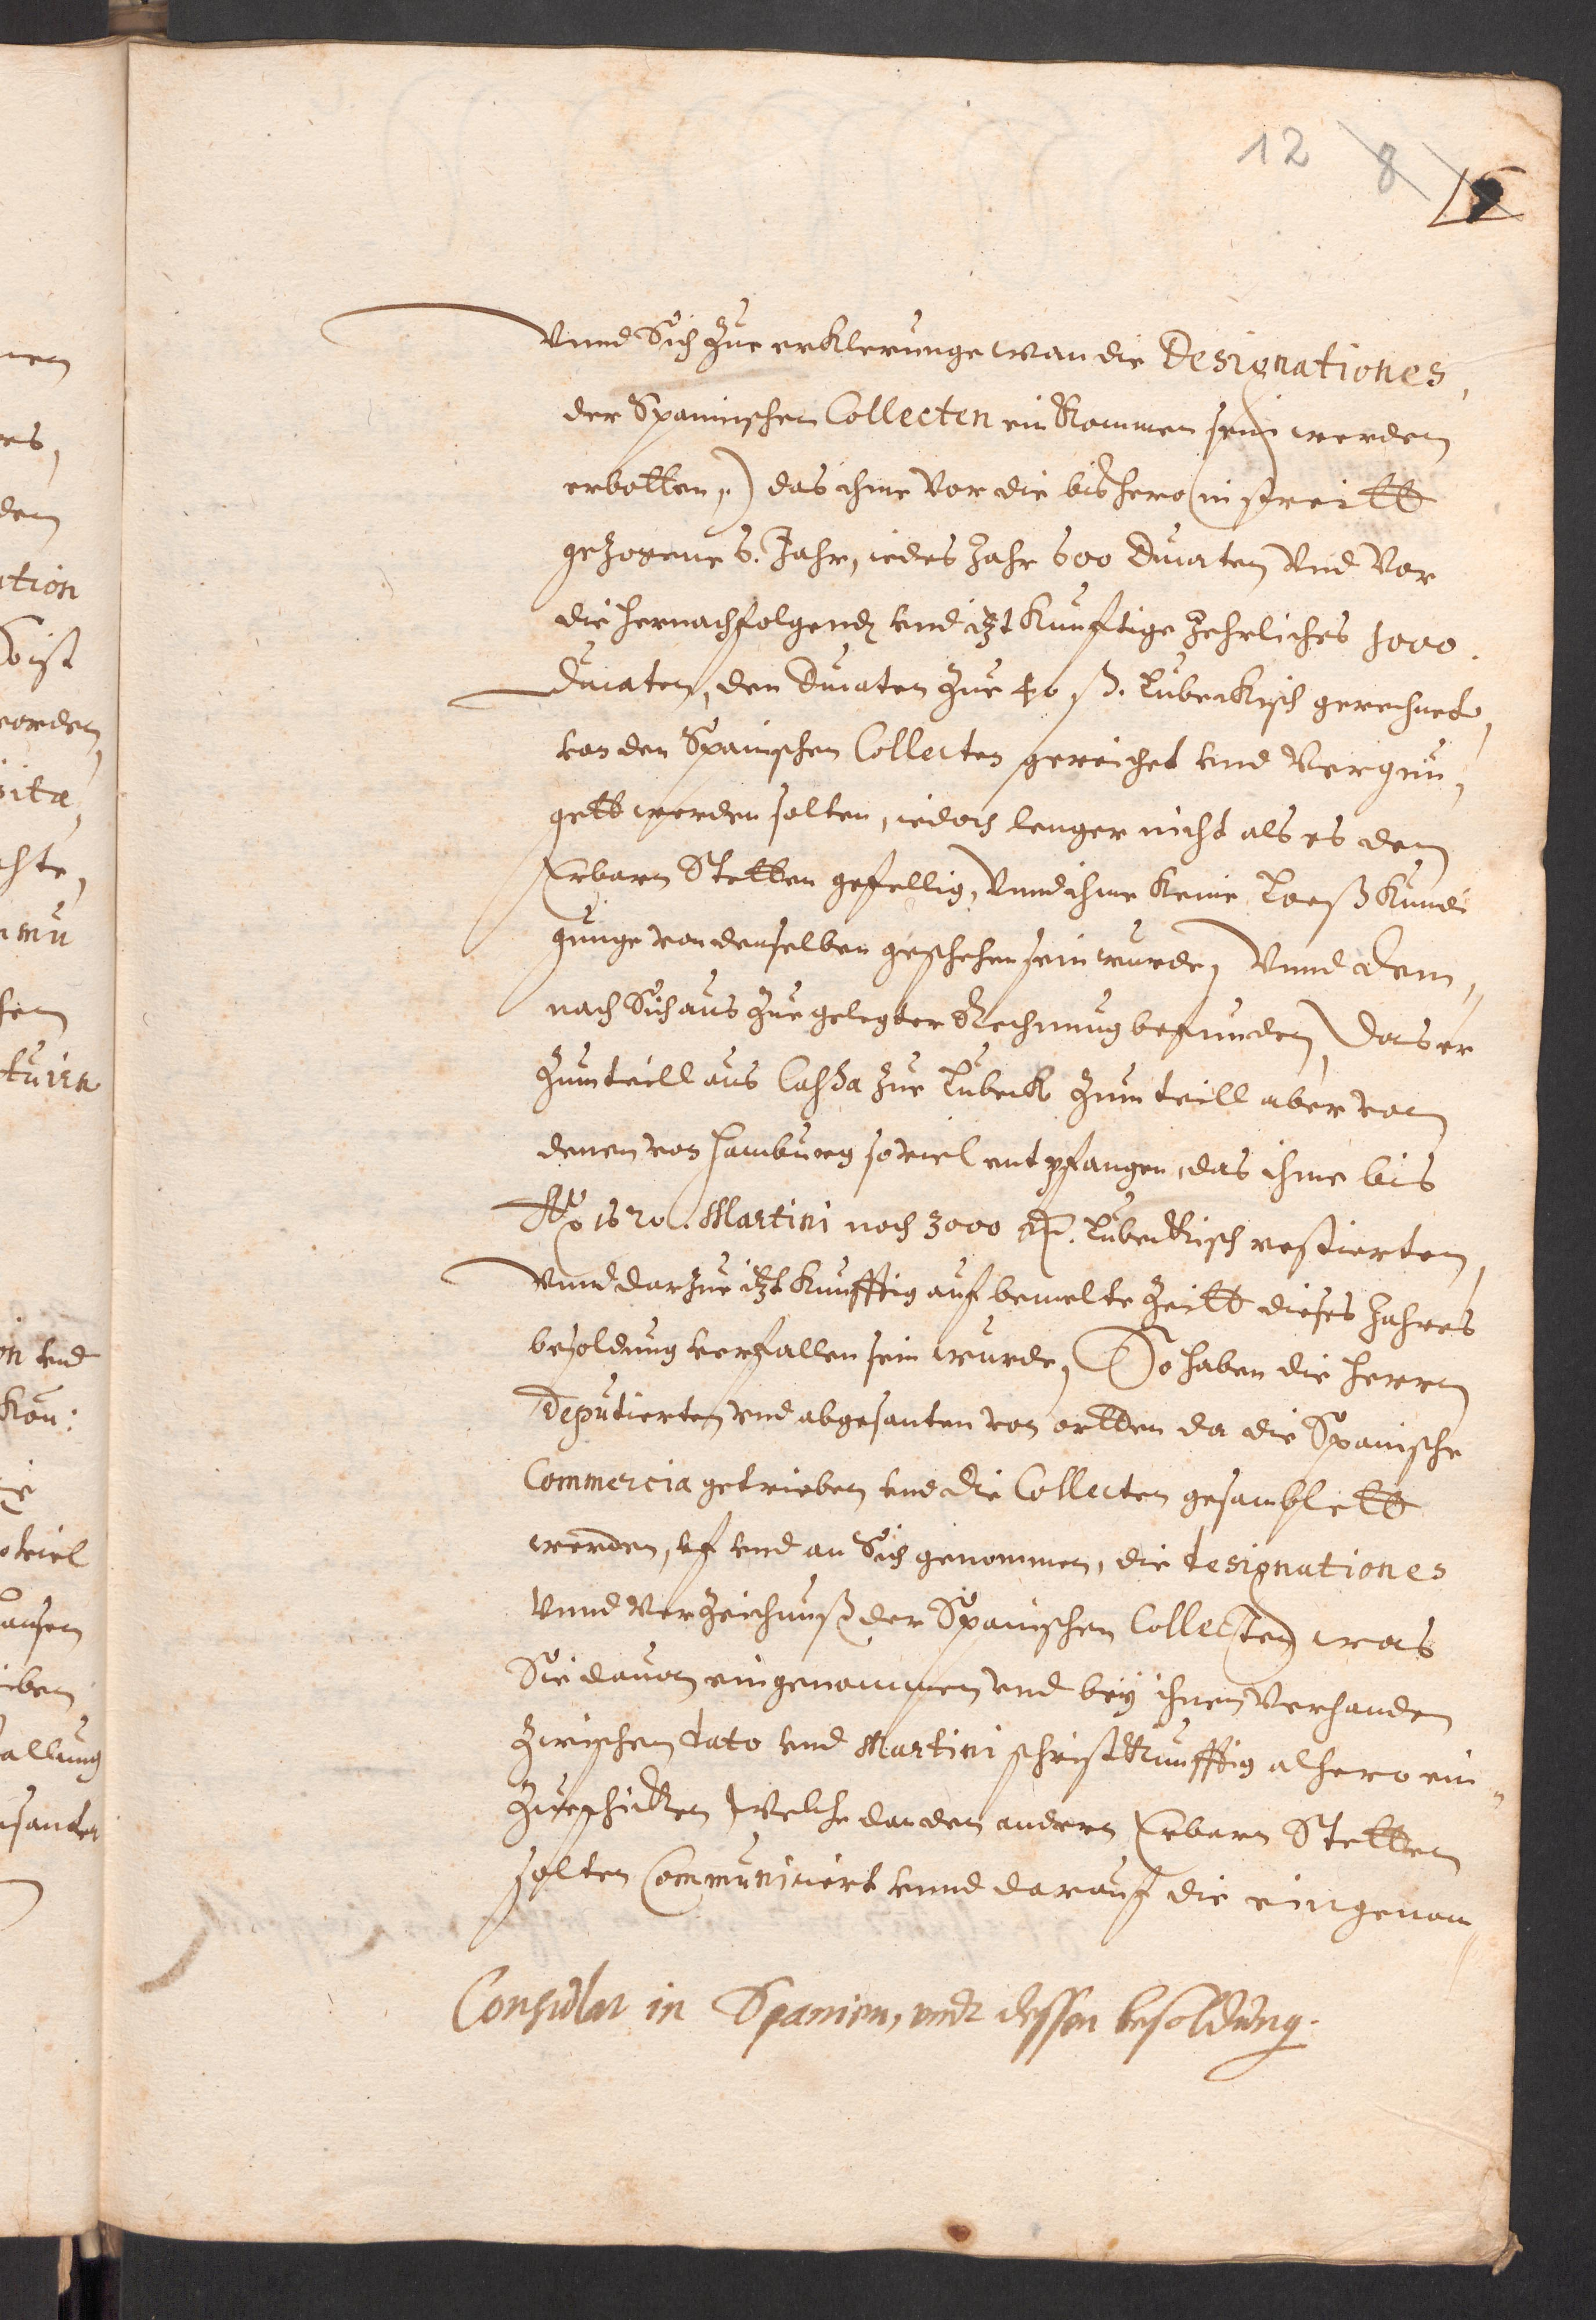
6
vnnd Sich zue erklerunge wan die Designationes,
der Spanischen Collecten einkommen sein werden
erbotten..) das ohme vor die bishero in streitt
gezogene 6. Jahr, iedes jahr 600 Ducaten vnd vor
die hernachfolgenden vnd itzt kunftige jehrliches 1000
Ducaten, den Ducaten zue 40 ß. Lubeckisch gerechnet,
von den Spanischen Collecten gereichet vnd vergnu¬
gett werden solten, iedoch lenger nicht als es den
Erbarn Stetten gefellig, Vnnd ohme keine Loeßkundi
gunge von denselben geschehen sein wurde, Vnnd dem¬
nach Sich aus zue gelegter Rechnung befunden, Das er
zum teill aus Cassa zue Lubeck zum teill aber von
denen von hamburg so viel entpfangen, das ihme bis
Ao p 1620. Martini noch 3000 ₻ Lubeckisch restierten,
Vnnd darzue itzt kunfftig auf bemelte zeitt dieses Jahres
besoldung verfallen sein wurde, So haben die herrn
Deputierten vnd abgesanten von ortten da die Spanische
Commercia getrieben vnd die Collecten gesamblett
werden, vf vnd an Sich genommen, die designationes
vnnd verzeichnuß der Spanischen Collecten was
Sie dauon eingenommen vnd beij ihnen verhanden
zwischen dato vnd Martini schristkunfftig alhero ein¬
zueschicken welche dan den andern Erbarn Stetten
solten Communiciert vnnd darauf die eingenom¬
Consulat in Spanien, vndt dessen besoldung.
